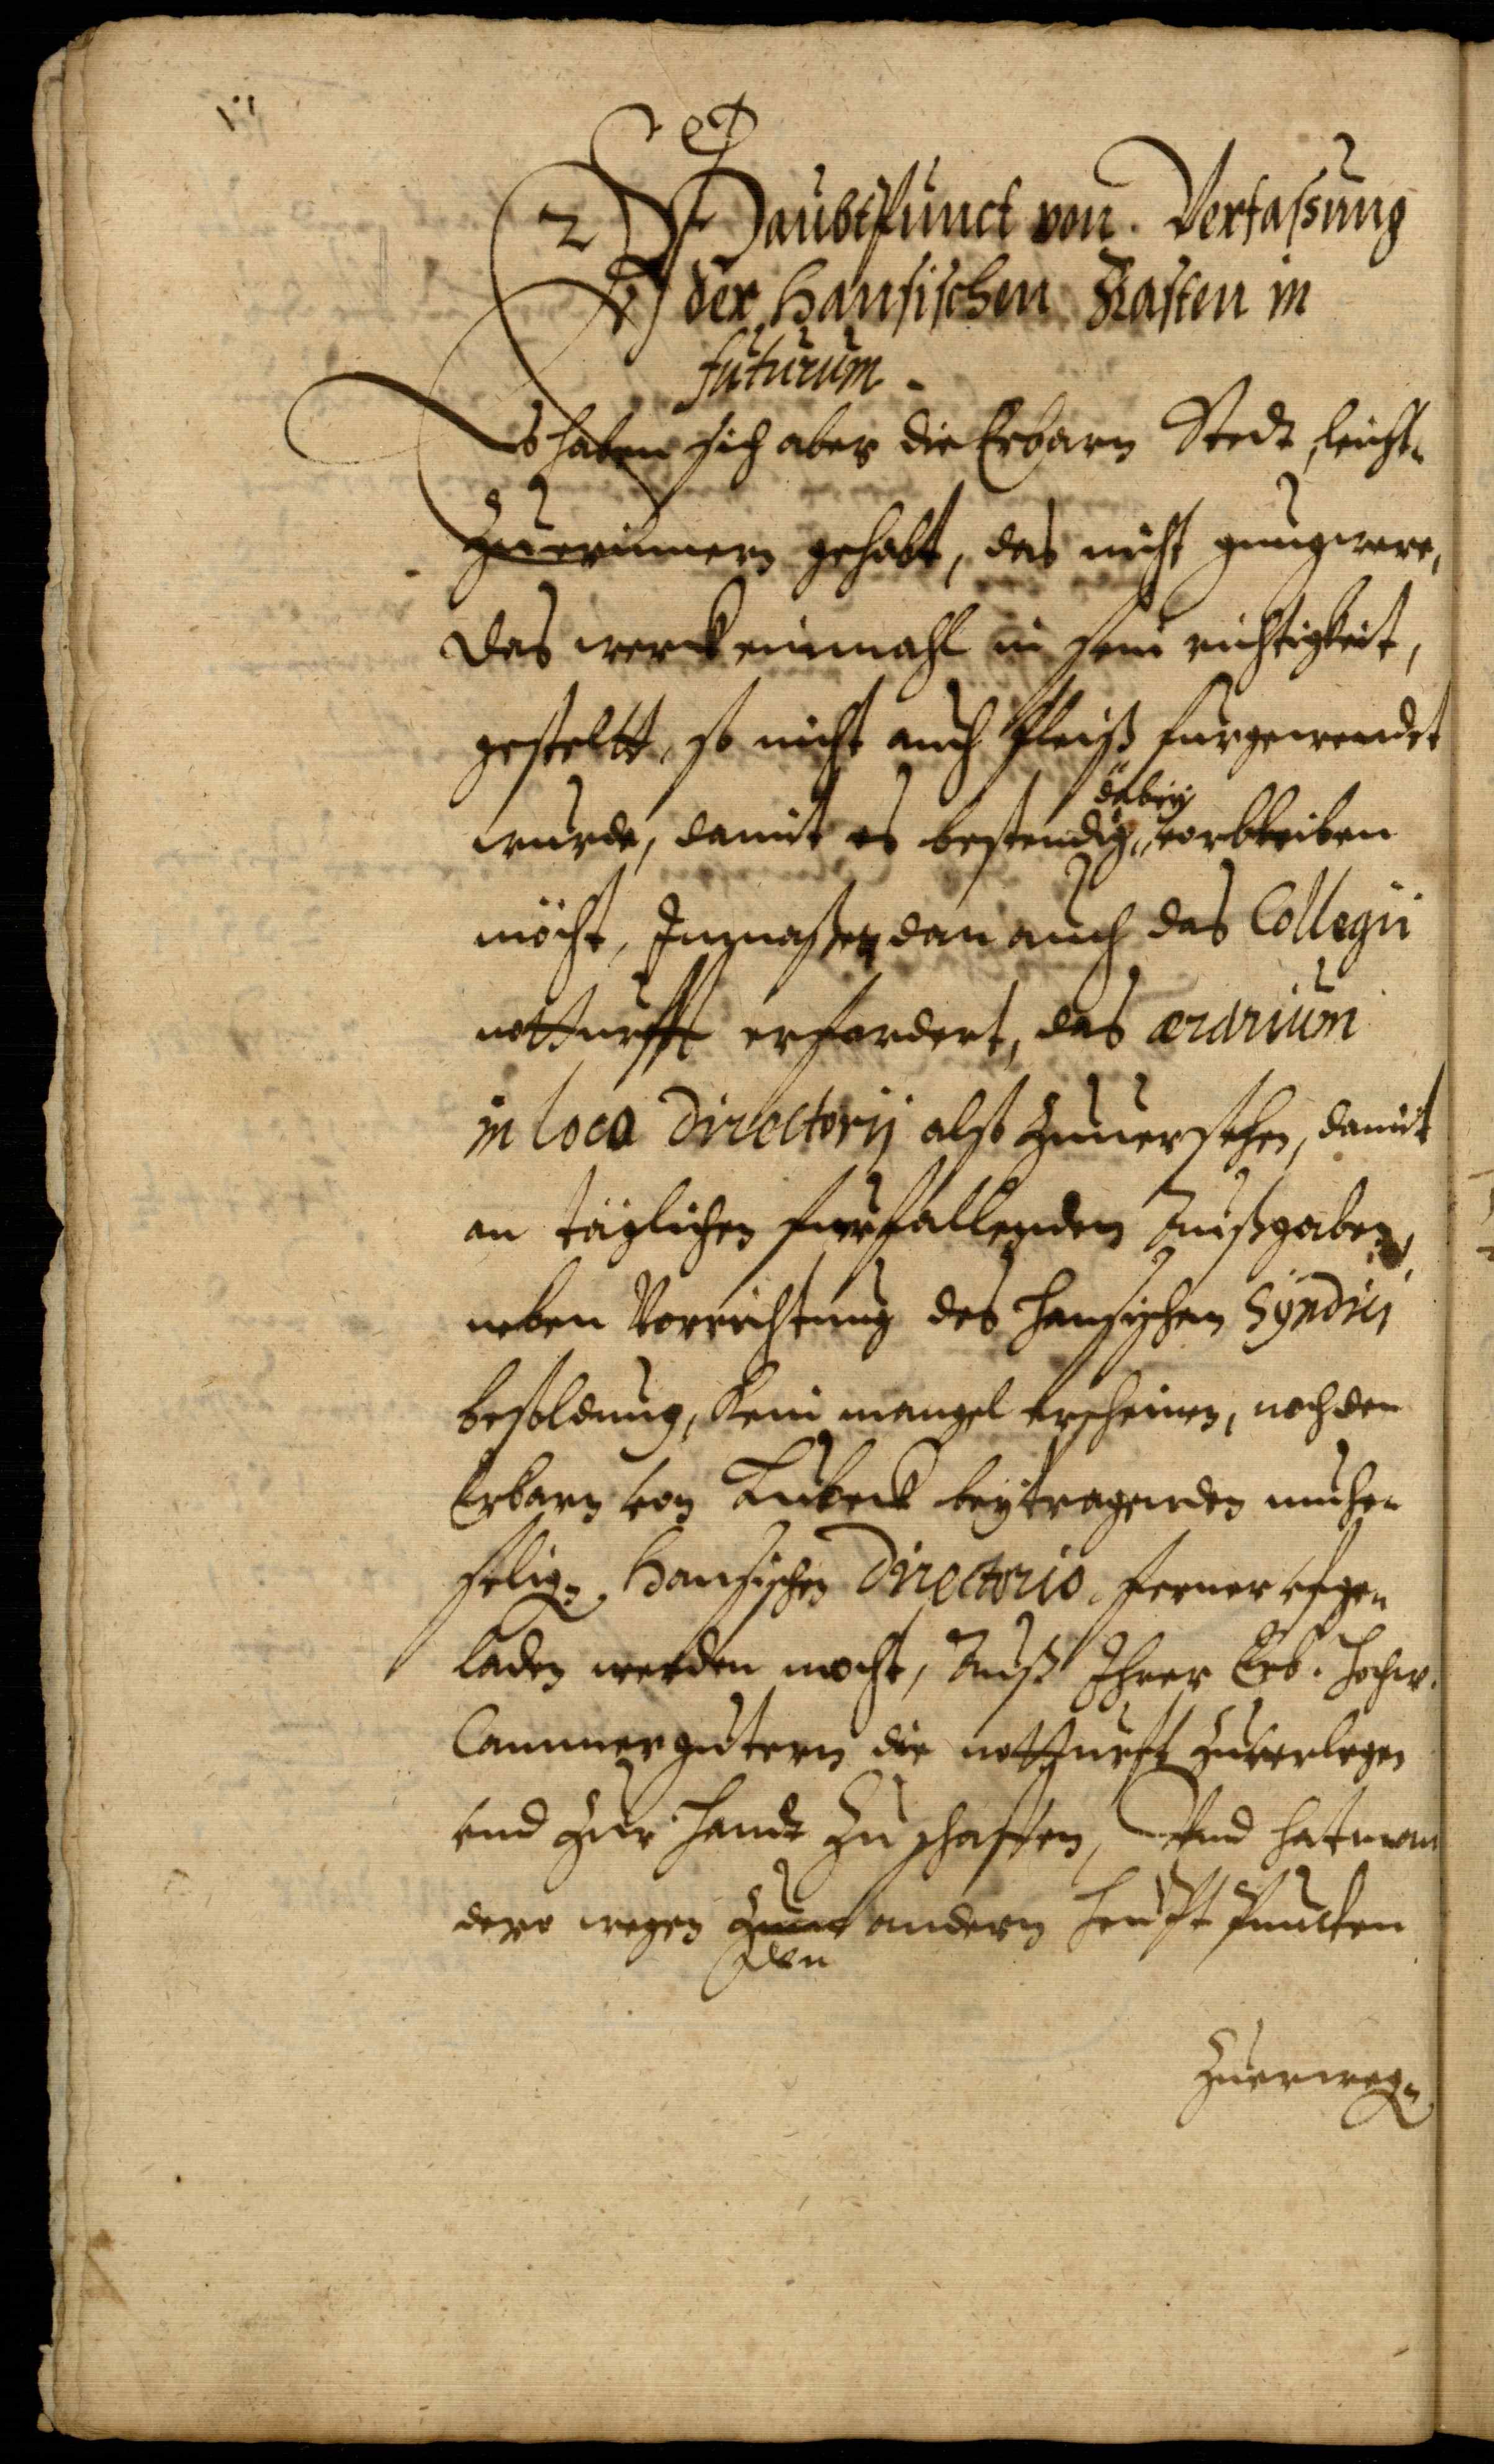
2 Haubtpunct von. Verfassung
der hansischen Kasten in
futurum.
Es haben sich aber die Erbarn Stedt, leicht¬
zuerinnern gehabt, das nicht gnugwere,
das werk einmahl in sein richtigkeit,
gesteltt, so nicht auch Fleiß furgewandt
wurde, damit es bestendig dabeij vorbleiben
möcht, Inmaßen dan auch das Collegii
notturfft erfordert, das aerarium
in loco Directorii also zuuerstehen, damit
an täglichen furfallenden Außgaben
neben vorrichtung des hansischen Sijndici
besoldung, kein mangel erscheinen, noch den
Erbarn von Lubeck beijtragenden muhe¬
seligen hansischen Directorio, ferner vfge¬
laden werden mocht, Auß Ihrer Erb. hochw.
Cammergutern die notturft zuverlegen
vnd zur handt zu schaffen, vnd hat man
dero wegen zum andern hauptpuncten
den
zuerwegen
